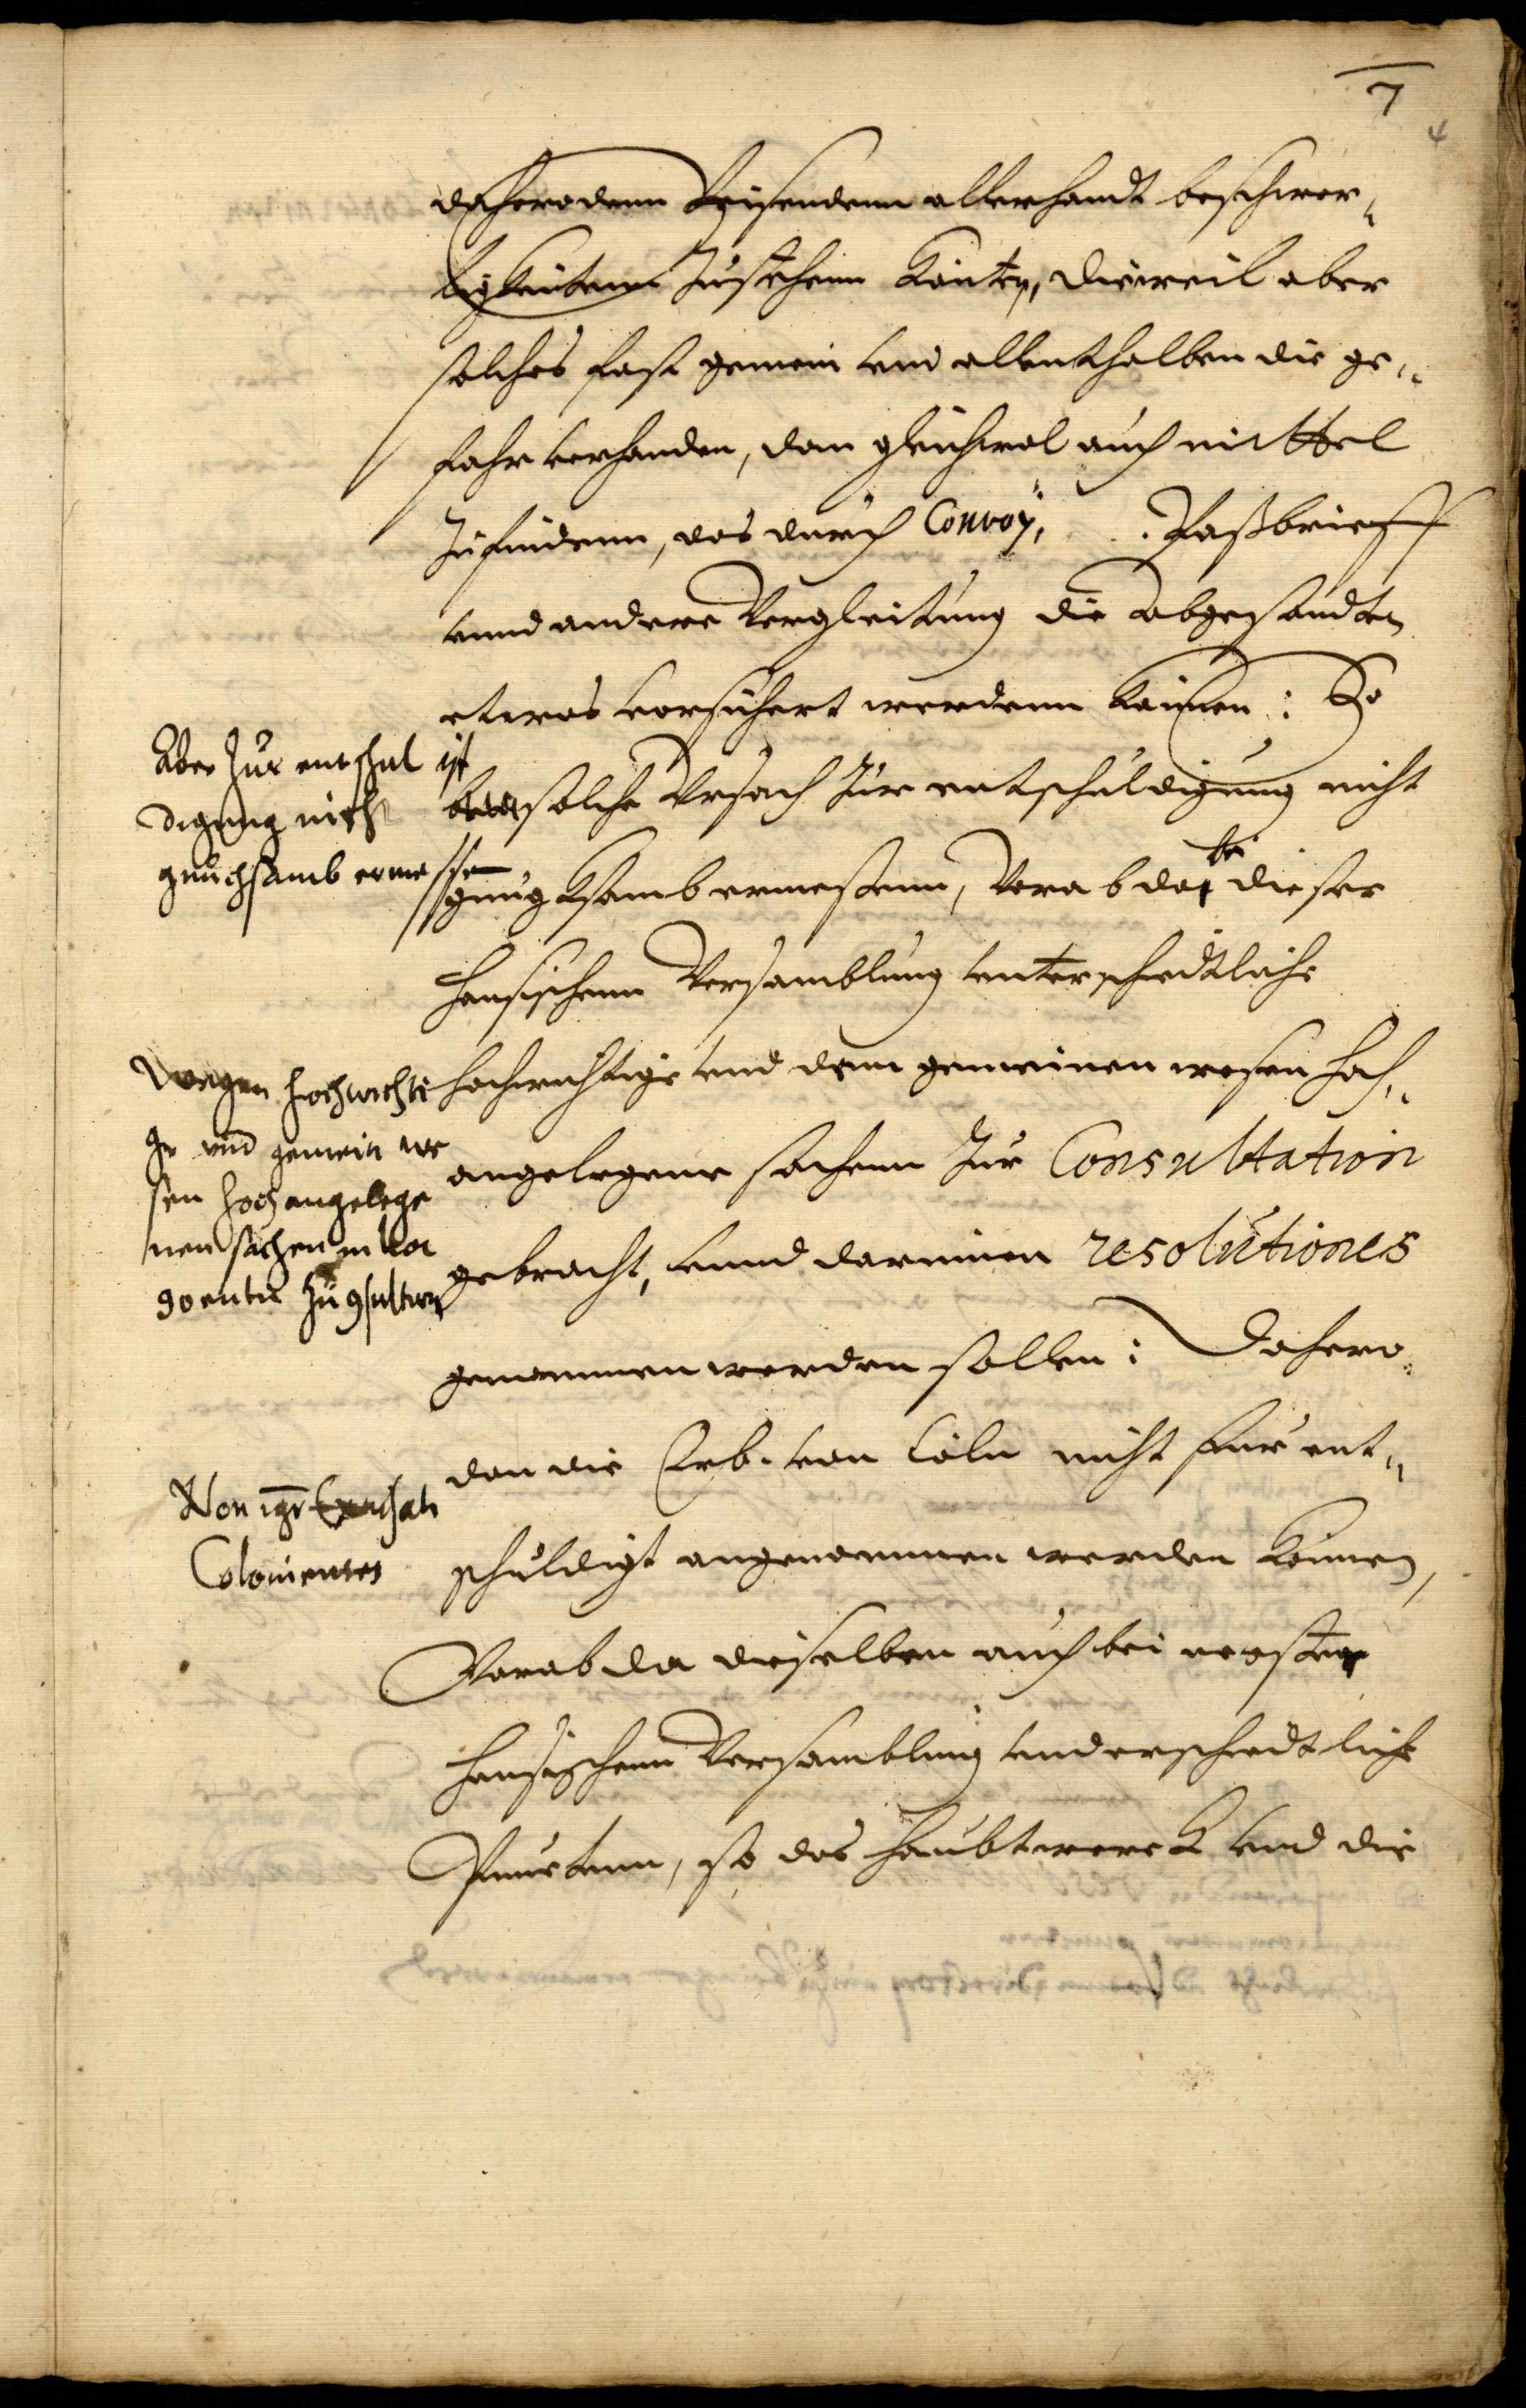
7
dahero denn Reisendenn allerhandt beschwer¬
ligkeitenn zustehenn könten, dieweil aber
solches fast gemein vnd allenthalben die ge¬
fahr vorhanden, dan gleichwol auch mittel
zufindenn, das durch Convoy, .Paßbrieff
vnnd andere Vergleitung die Abgesandten
etwas vorsichert werdenn könen: So
ist
best solche vrsach zur entschuldigung nicht
gnugksamb ermeßenn, Vorab daß bei dieser
hansischenn Versamblung vnterschiedtliche
hochwichtige vnnd dem gemeinen wesen hoch¬
angelegner sachenn zur Consultation
gebracht, vnnd darinnen resolutiones
genommen werden sollen: Dahero
dan die Erb. von Cöln nicht fur ent¬
schuldigt angenommen werden können,
vorab da dieselben auch bei negster
hansischenn versamblung vnderschiedtliche
Punctenn, so das haubtwerck vnd die
Aber zur entschul
digung nicht
gnugsamb ermessenn,
wegen hochwichti
ge vnd gemein we
sen hoch angelege
nen sachen im hoc
conventu zu consultiren
Non igr Excusati
Colonienten
